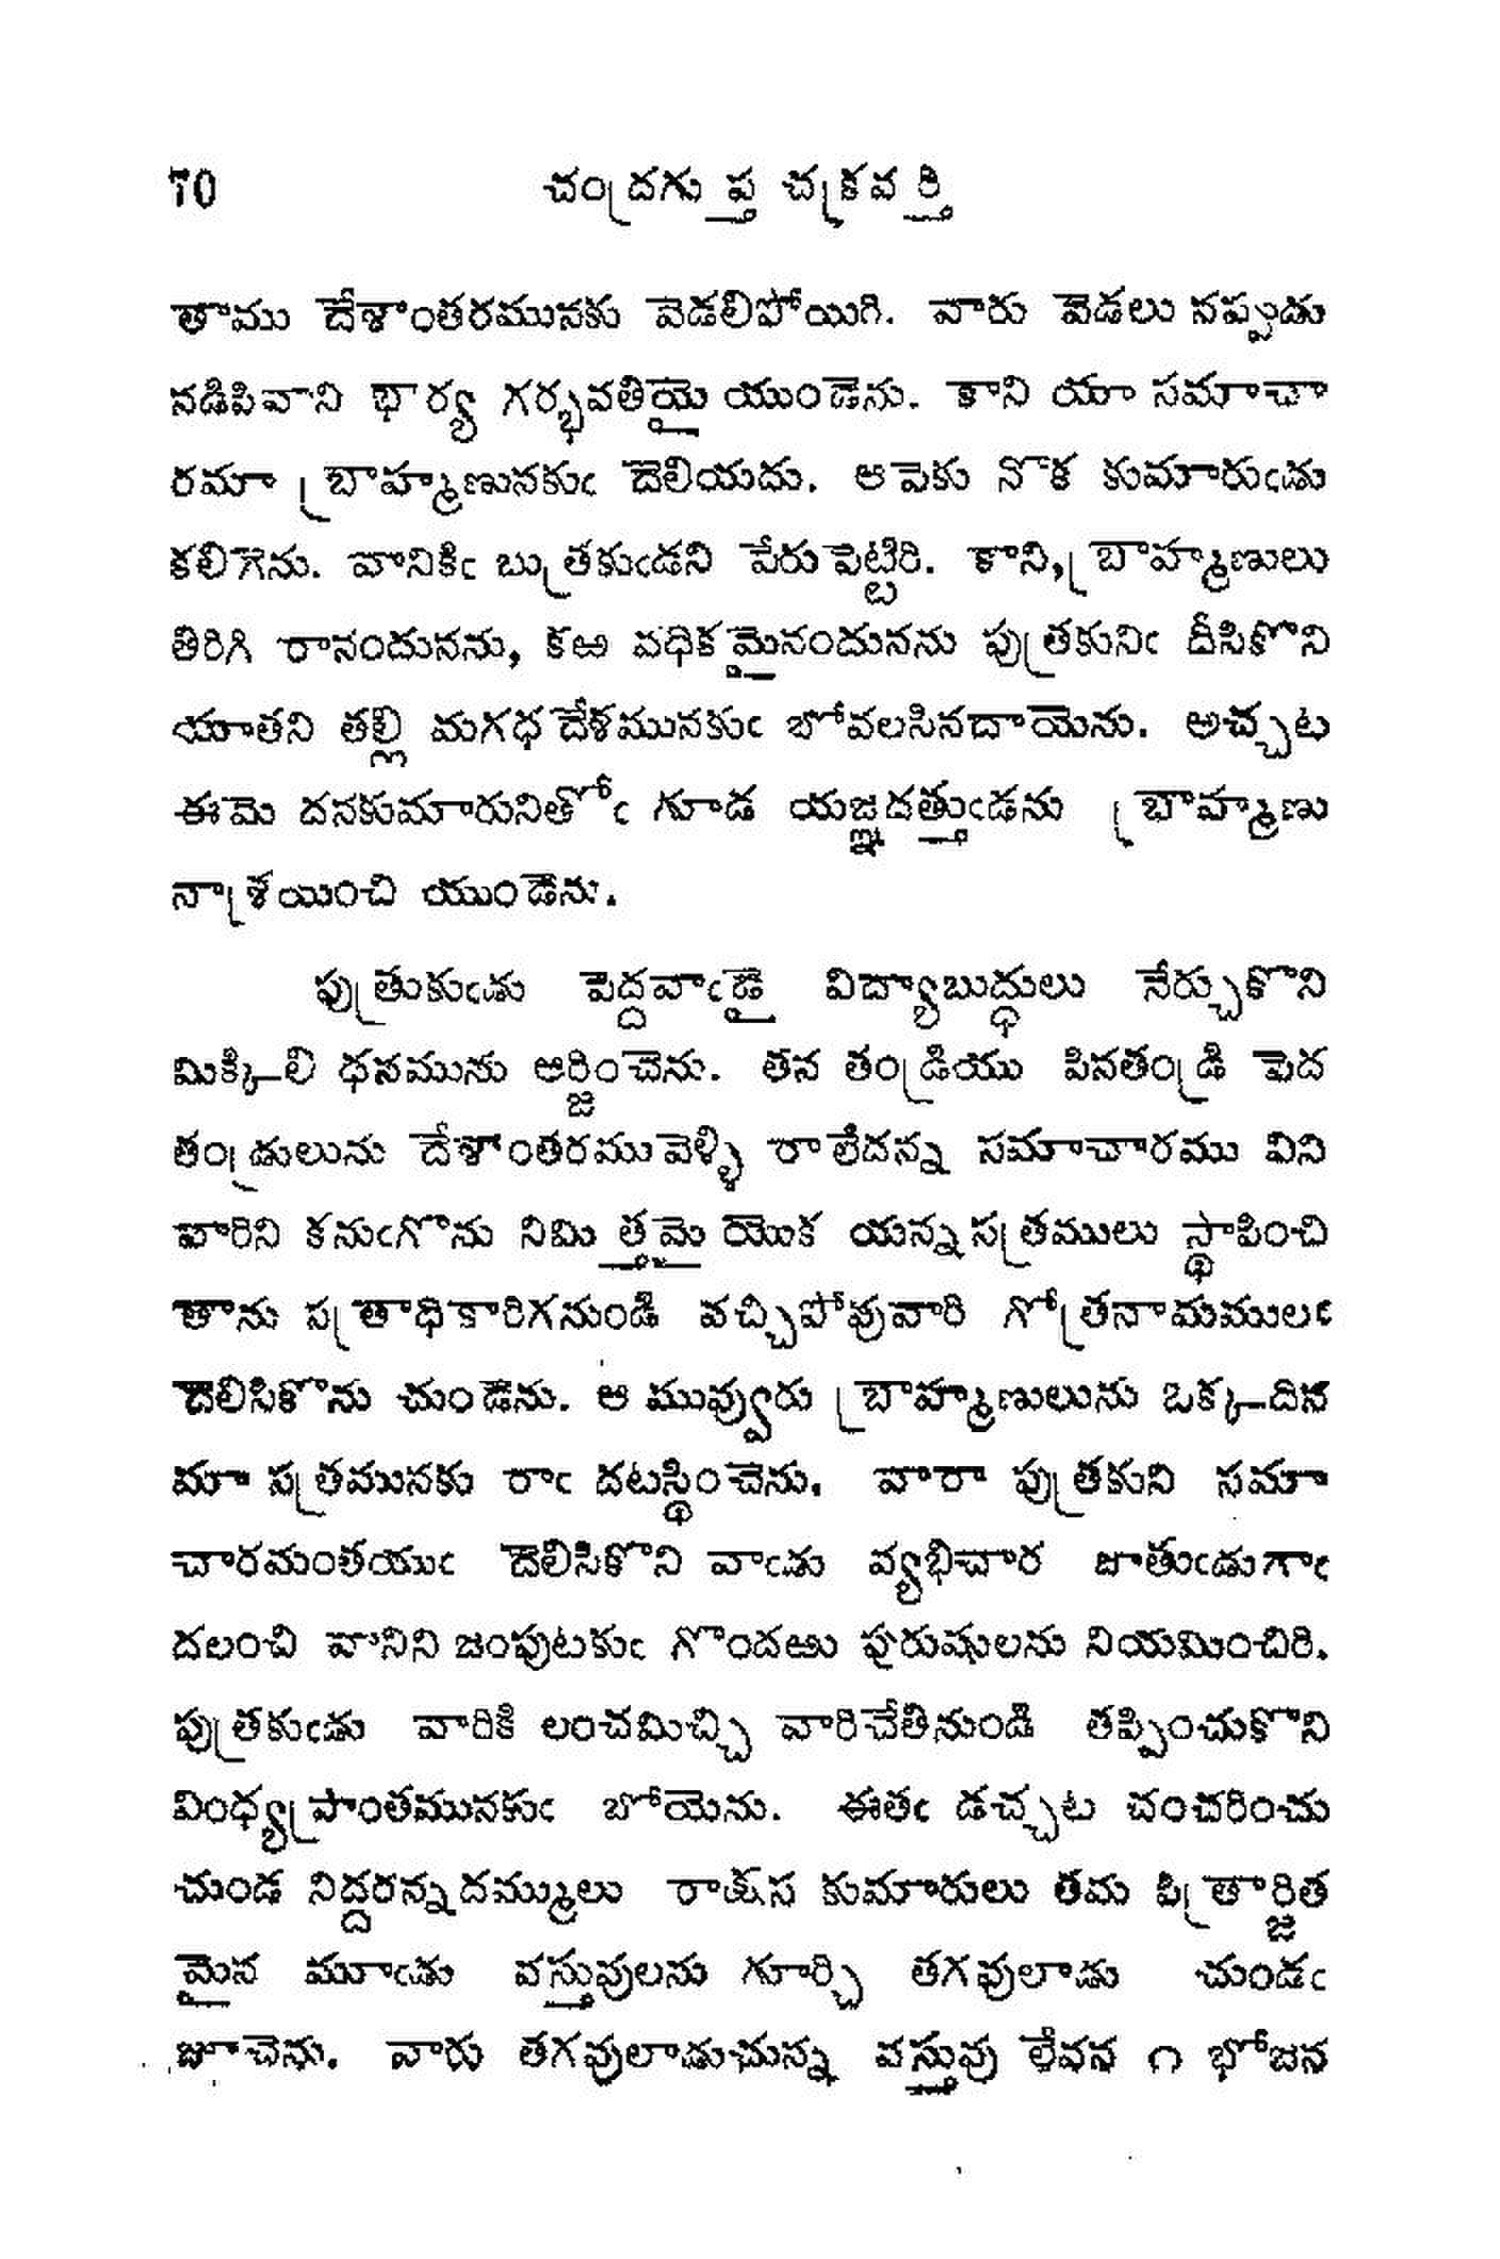తాము దేశాంతరమునకు వెడలిపోయిరి. వారు వెడలు నప్పుడు నడిపివాని భార్య గర్భవతియై యుండెను. కాని యా సమాచారమా బాహ్మణునకుఁ దెలియదు. ఆపెకు నొక కుమారుఁడు కలిగెను. వానికిఁ బుత్రకుఁడని పేరుపెట్టిరి. కాని, బ్రాహ్మణులు తిరిగి రానందునను, కఱ వధికమైనందునను పుత్రకునిఁ దీసికొని యాతని తల్లి మగధదేశమునకుఁ బోవలసినదాయెను. అచ్చట ఈమె దనకుమారునితోఁ గూడ యజ్ఞదత్తుఁడను బ్రాహ్మణు నాశ్రయించి యుండెను. 

పుత్రుకుఁడు పెద్దవాఁడై విద్యాబుద్ధులు నేర్చుకొని మిక్కిలి ధనమును ఆర్జించెను. తన తండ్రియు పినతండి పెదతండ్రులును దేశాంతరమువెళ్ళి రాలేదన్న సమాచారము విని వారిని కనుఁగొను నిమిత్తమై యొక యన్న సత్రములు స్థాపించి తాను సత్రాధికారిగనుండి వచ్చిపోవువారి గోత్రనామములఁ దెలిసికొను చుండెను. ఆ మువ్వురు బ్రాహ్మణులును ఒక్కదిన మా సత్రమునకు రాఁ దటస్థించెను. వారా పుత్రకుని సమాచారమంతయుఁ దెలిసికొని వాఁడు వ్యభిచార జాతుఁడుగాఁ దలంచి వానిని జంపుటకుఁ గొందఱు పురుషులను నియమించిరి. పుత్రకుఁడు వారికి లంచమిచ్చి వారి చేతినుండి తప్పించుకొని వింధ్యప్రాంతమునకుఁ బోయెను. ఈతఁ డచ్చట చంచరించు చుండ నిద్దరన్నదమ్ములు రాక్షస కుమారులు తమ పిత్రార్జితమైన మూఁడు వస్తువులను గూర్చి తగవులాడు చుండఁ . జూచెను. వారు తగవులాడుచున్న వస్తువు లేవన 1 భోజన